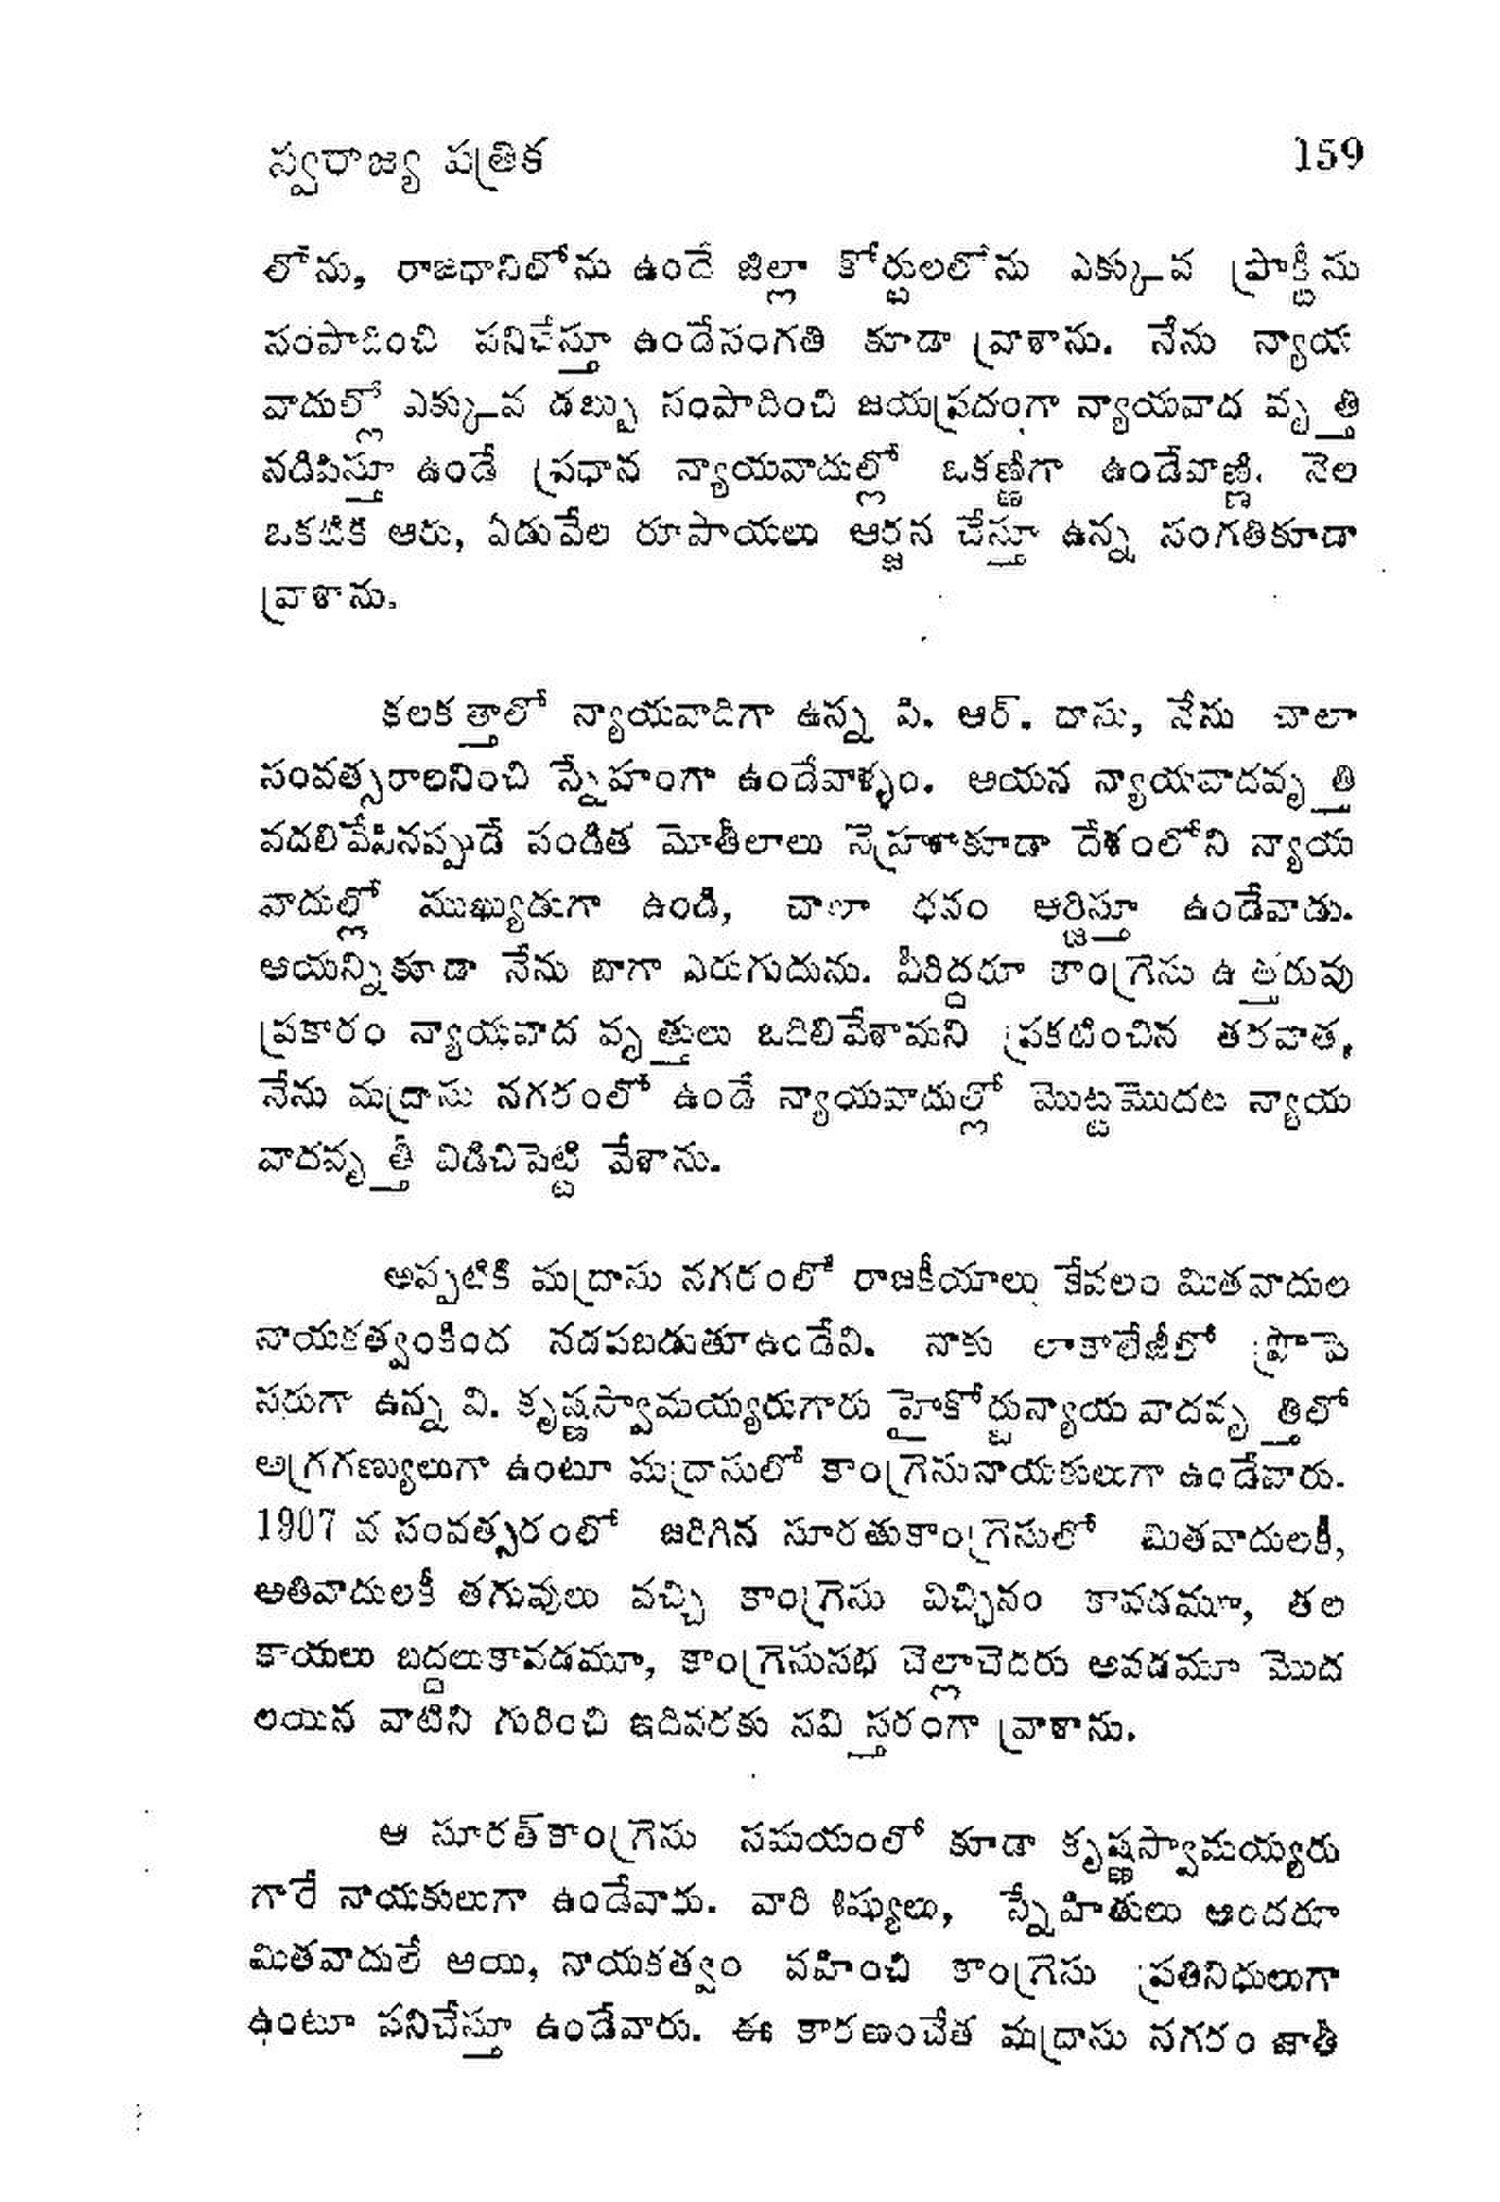లోను, రాజధానిలోను ఉండే జిల్లా కోర్టులలోను ఎక్కువ ప్రాక్టీసు సంపాదించి పనిచేస్తూ ఉండేసంగతి కూడా వ్రాశాను. నేను న్యాయవాదుల్లో ఎక్కువ డబ్బు సంపాదించి జయప్రదంగా న్యాయవాద వృత్తి నడిపిస్తూ ఉండే ప్రధాన న్యాయవాదుల్లో ఒకణ్ణిగా ఉండేవాణ్ణి. నెల ఒకటికి ఆరు, ఏడువేల రూపాయలు ఆర్జన చేస్తూ ఉన్న సంగతికూడా వ్రాశాను.

కలకత్తాలో న్యాయవాదిగా ఉన్న సి. ఆర్. దాసు, నేను చాలా సంవత్సరాలనించి స్నేహంగా ఉండేవాళ్ళం. ఆయన న్యాయవాదవృత్తి వదలివేసినప్పుడే పండిత మోతీలాలు నెహ్రూకూడా దేశంలోని న్యాయవాదుల్లో ముఖ్యుడుగా ఉండి, చాలా ధనం ఆర్జిస్తూ ఉండేవాడు. ఆయన్నికూడా నేను బాగా ఎరుగుదును. వీరిద్దరూ కాంగ్రెసు ఉత్తరువు ప్రకారం న్యాయవాద వృత్తులు ఒదిలివేశామని ప్రకటించిన తరవాత, నేను మద్రాసు నగరంలో ఉండే న్యాయవాదుల్లో మొట్టమొదట న్యాయవాదవృత్తి విడిచిపెట్టి వేశాను.

అప్పటికి మద్రాసు నగరంలో రాజకీయాలు కేవలం మితవాదుల నాయకత్వంకింద నడపబడుతూఉండేవి. నాకు లాకాలేజీలో ప్రొపెసరుగా ఉన్న వి. కృష్ణస్వామయ్యరుగారు హైకోర్టున్యాయ వాదవృత్తిలో అగ్రగణ్యులుగా ఉంటూ మద్రాసులో కాంగ్రెసు నాయకులుగా ఉండేవారు. 1907 వ సంవత్సరంలో జరిగిన సూరతు కాంగ్రెసులో మితవాదులకీ, అతివాదులకీ తగువులు వచ్చి కాంగ్రెసు విచ్చినం కావడమూ, తలకాయలు బద్దలుకావడమూ, కాంగ్రెసుసభ చెల్లాచెదరు అవడమూ మొదలయిన వాటిని గురించి ఇదివరకు సవిస్తరంగా వ్రాశాను.

ఆ సూరత్‌కాంగ్రెసు సమయంలో కూడా కృష్ణస్వామయ్యరు గారే నాయకులుగా ఉండేవారు. వారి శిష్యులు, స్నేహితులు అందరూ మితవాదులే అయి, నాయకత్వం వహించి కాంగ్రెసు ప్రతినిధులుగా ఉంటూ పనిచేస్తూ ఉండేవారు. ఈ కారణంచేత మద్రాసు నగరం జాతీ